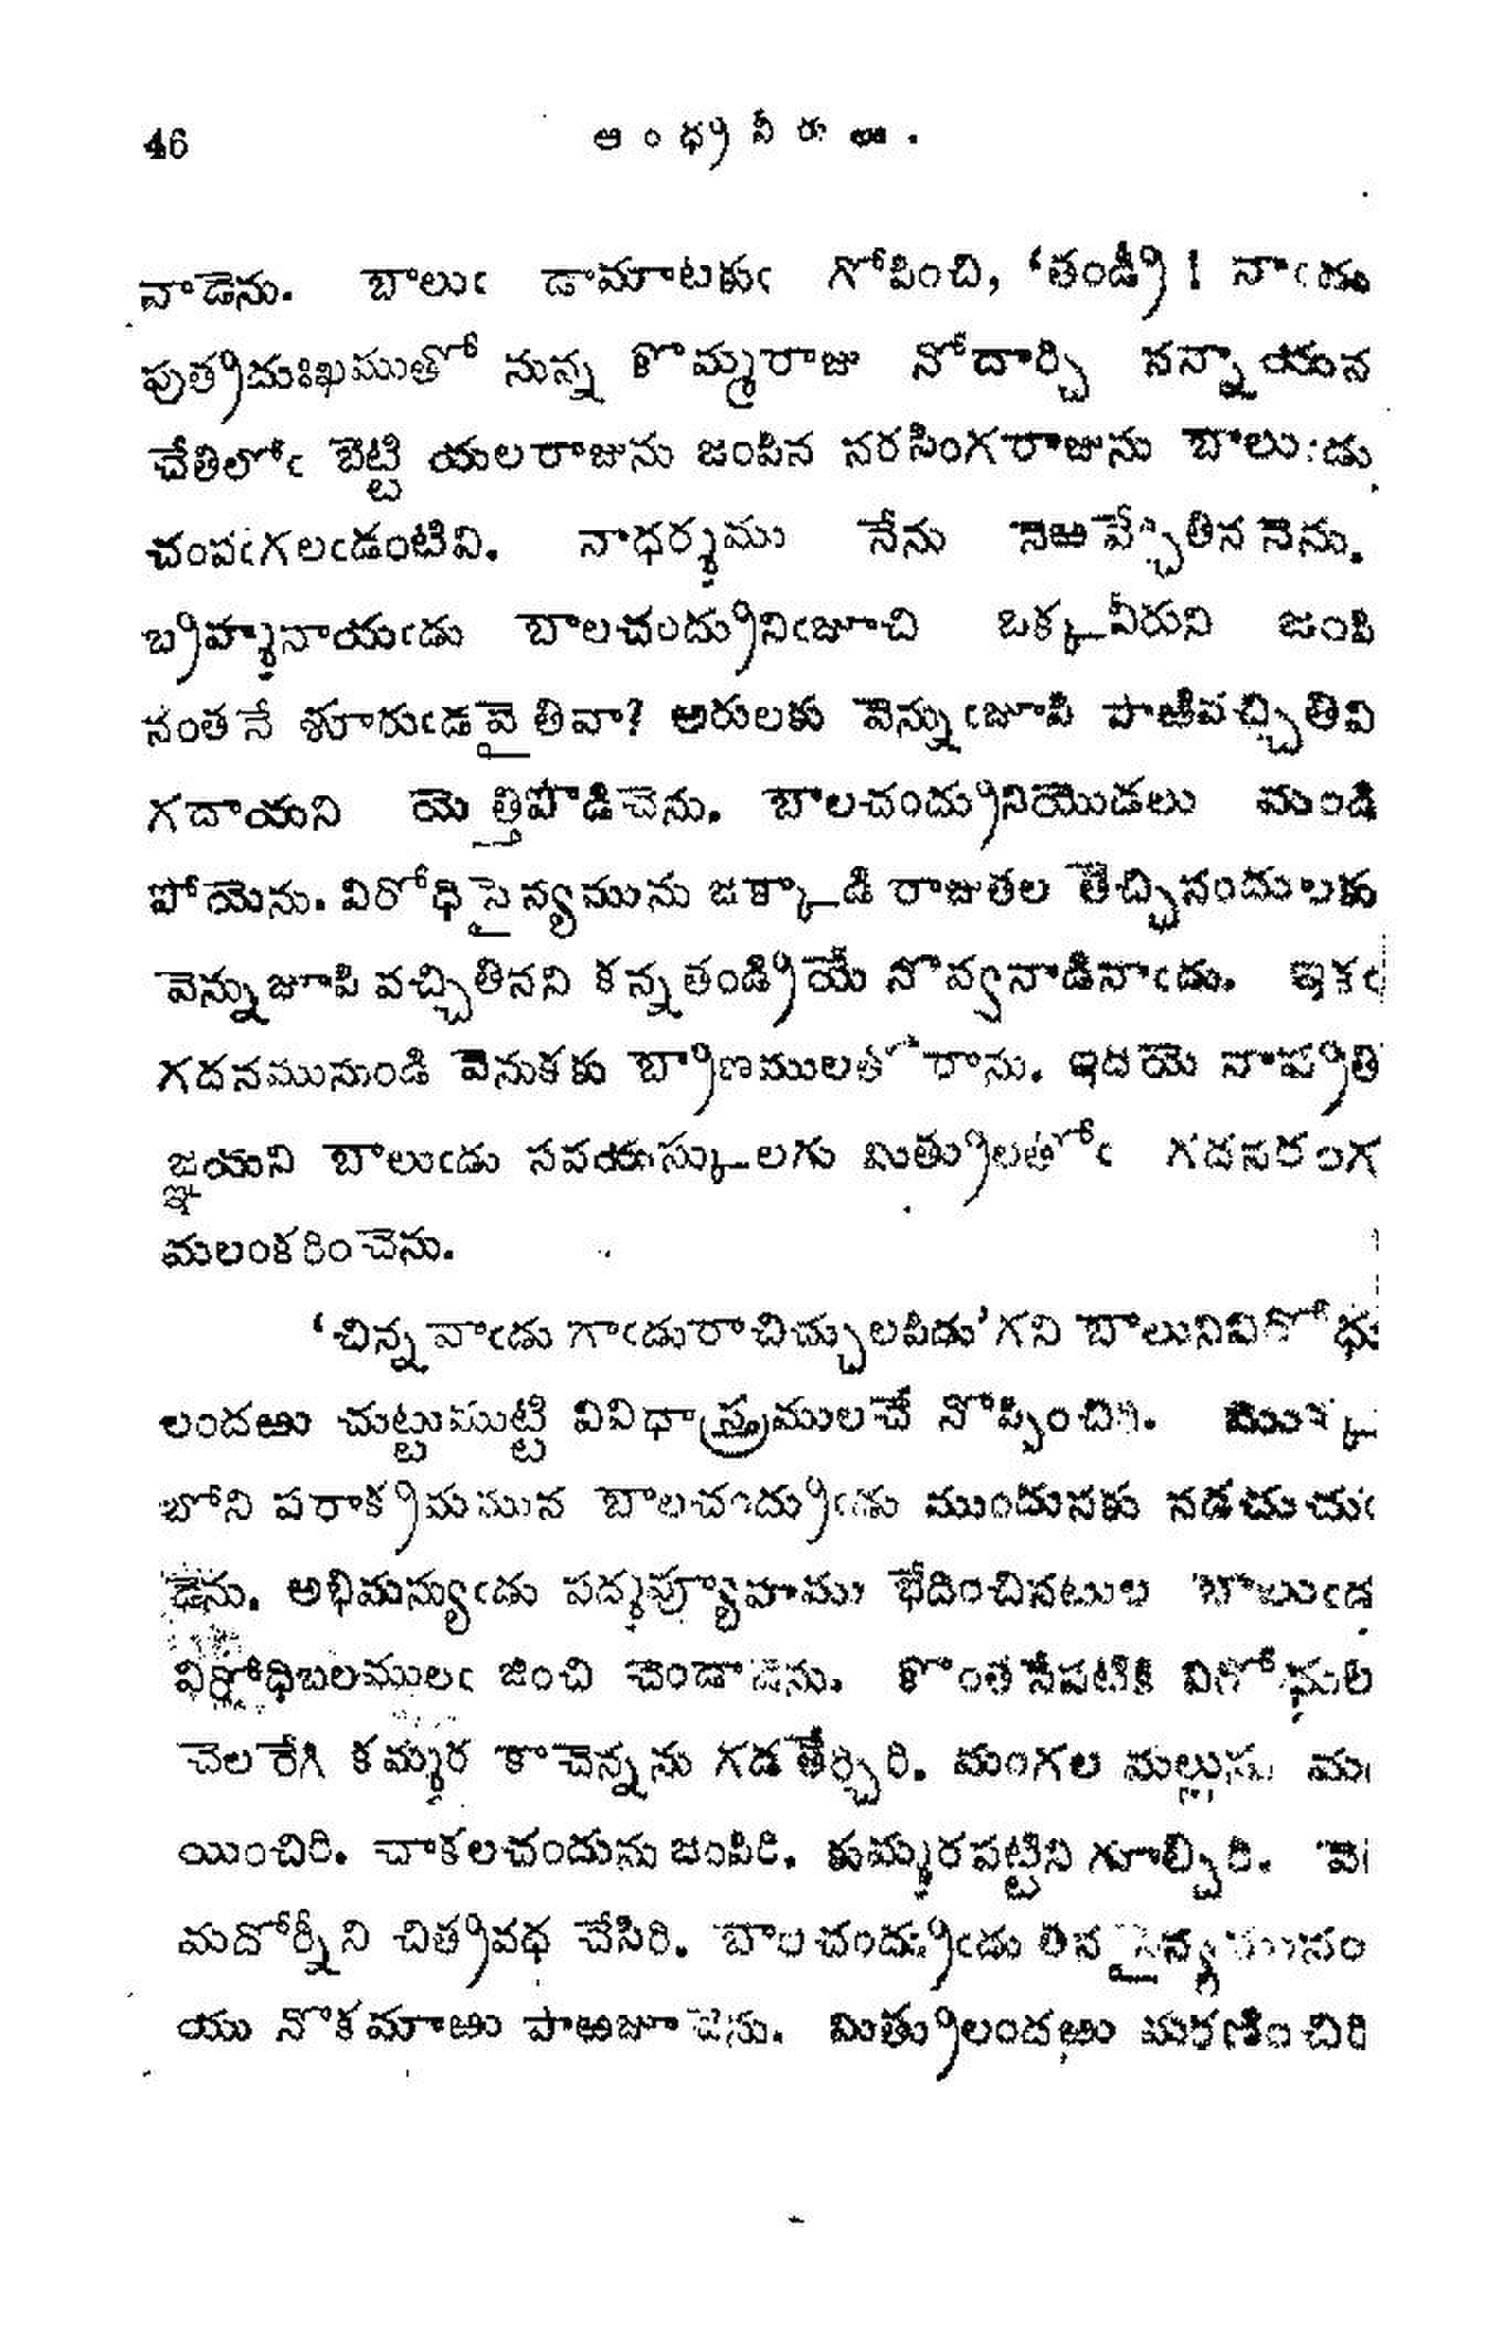నాడెను. బాలు డామాటకు గోపించి, 'తండ్రీ! నాడు పుత్రదు:ఖముతో నున్న కొమ్మరాజు నోదార్చి నన్నాయన చేతిలో బెట్టి యలరాజును జంపిన నరసింగరాజును బాలుడు చంపగలడంటివి. నాధర్మము నేను నెఱవేర్చితిననెను. బ్రహ్మనాయడు బాలచంద్రునిజూచి ఒక్కవీరుని జంపినంతనే శూరుడవైతివా? అరులకు వెన్నుజూపి పాఱివచ్చితివి గదాయని యెత్తిపొడిచెను. బాలచంద్రునియొడలు మండిపోయెను. విరోధిసైన్యమును జక్కాడి రాజుతల తెచ్చినందులకు వెన్నుజూపి వచ్చితినని కన్నతండ్రియే నొవ్వనాడినాడు. ఇక గదనమునుండి వెనుకకు బ్రాణములతోరాను. ఇదియె నాప్రతిజ్ఞయని బాలుడు నవయస్కులగు మిత్రులతో గదనరంగ మలంకరించెను.

'చిన్నవాడు గాడురాచిచ్చులపిడు'గని బాలునివిరోధులందఱు చుట్టుముట్టి వివిధాస్త్రములచే నొప్పించిరి. మొక్కబోని పరాక్రమమున బాలచంద్రుడు ముందునకు నడచుచుండెను. అభిమన్యుడు పద్మవ్యూహము భేధించినటుల బాలుడు విరీధిబలముల జించి చెండాడెను. కొంతసేపటికి విరోధులు చెలరేగి కమ్మర కాచెన్నను గడతేర్చిరి. మంగల మల్లును మది యించిరి. చాకలచందును జంపిరి. కుమ్మరపట్టిని గూల్చిరి. వెలమదోర్నిని చత్రవధ చేసిరి. బాలచంద్రుడు తన సైన్యమునంతయు నొకమాఱు పాఱజూచెను. మిత్రులందఱు మరణించిరి.